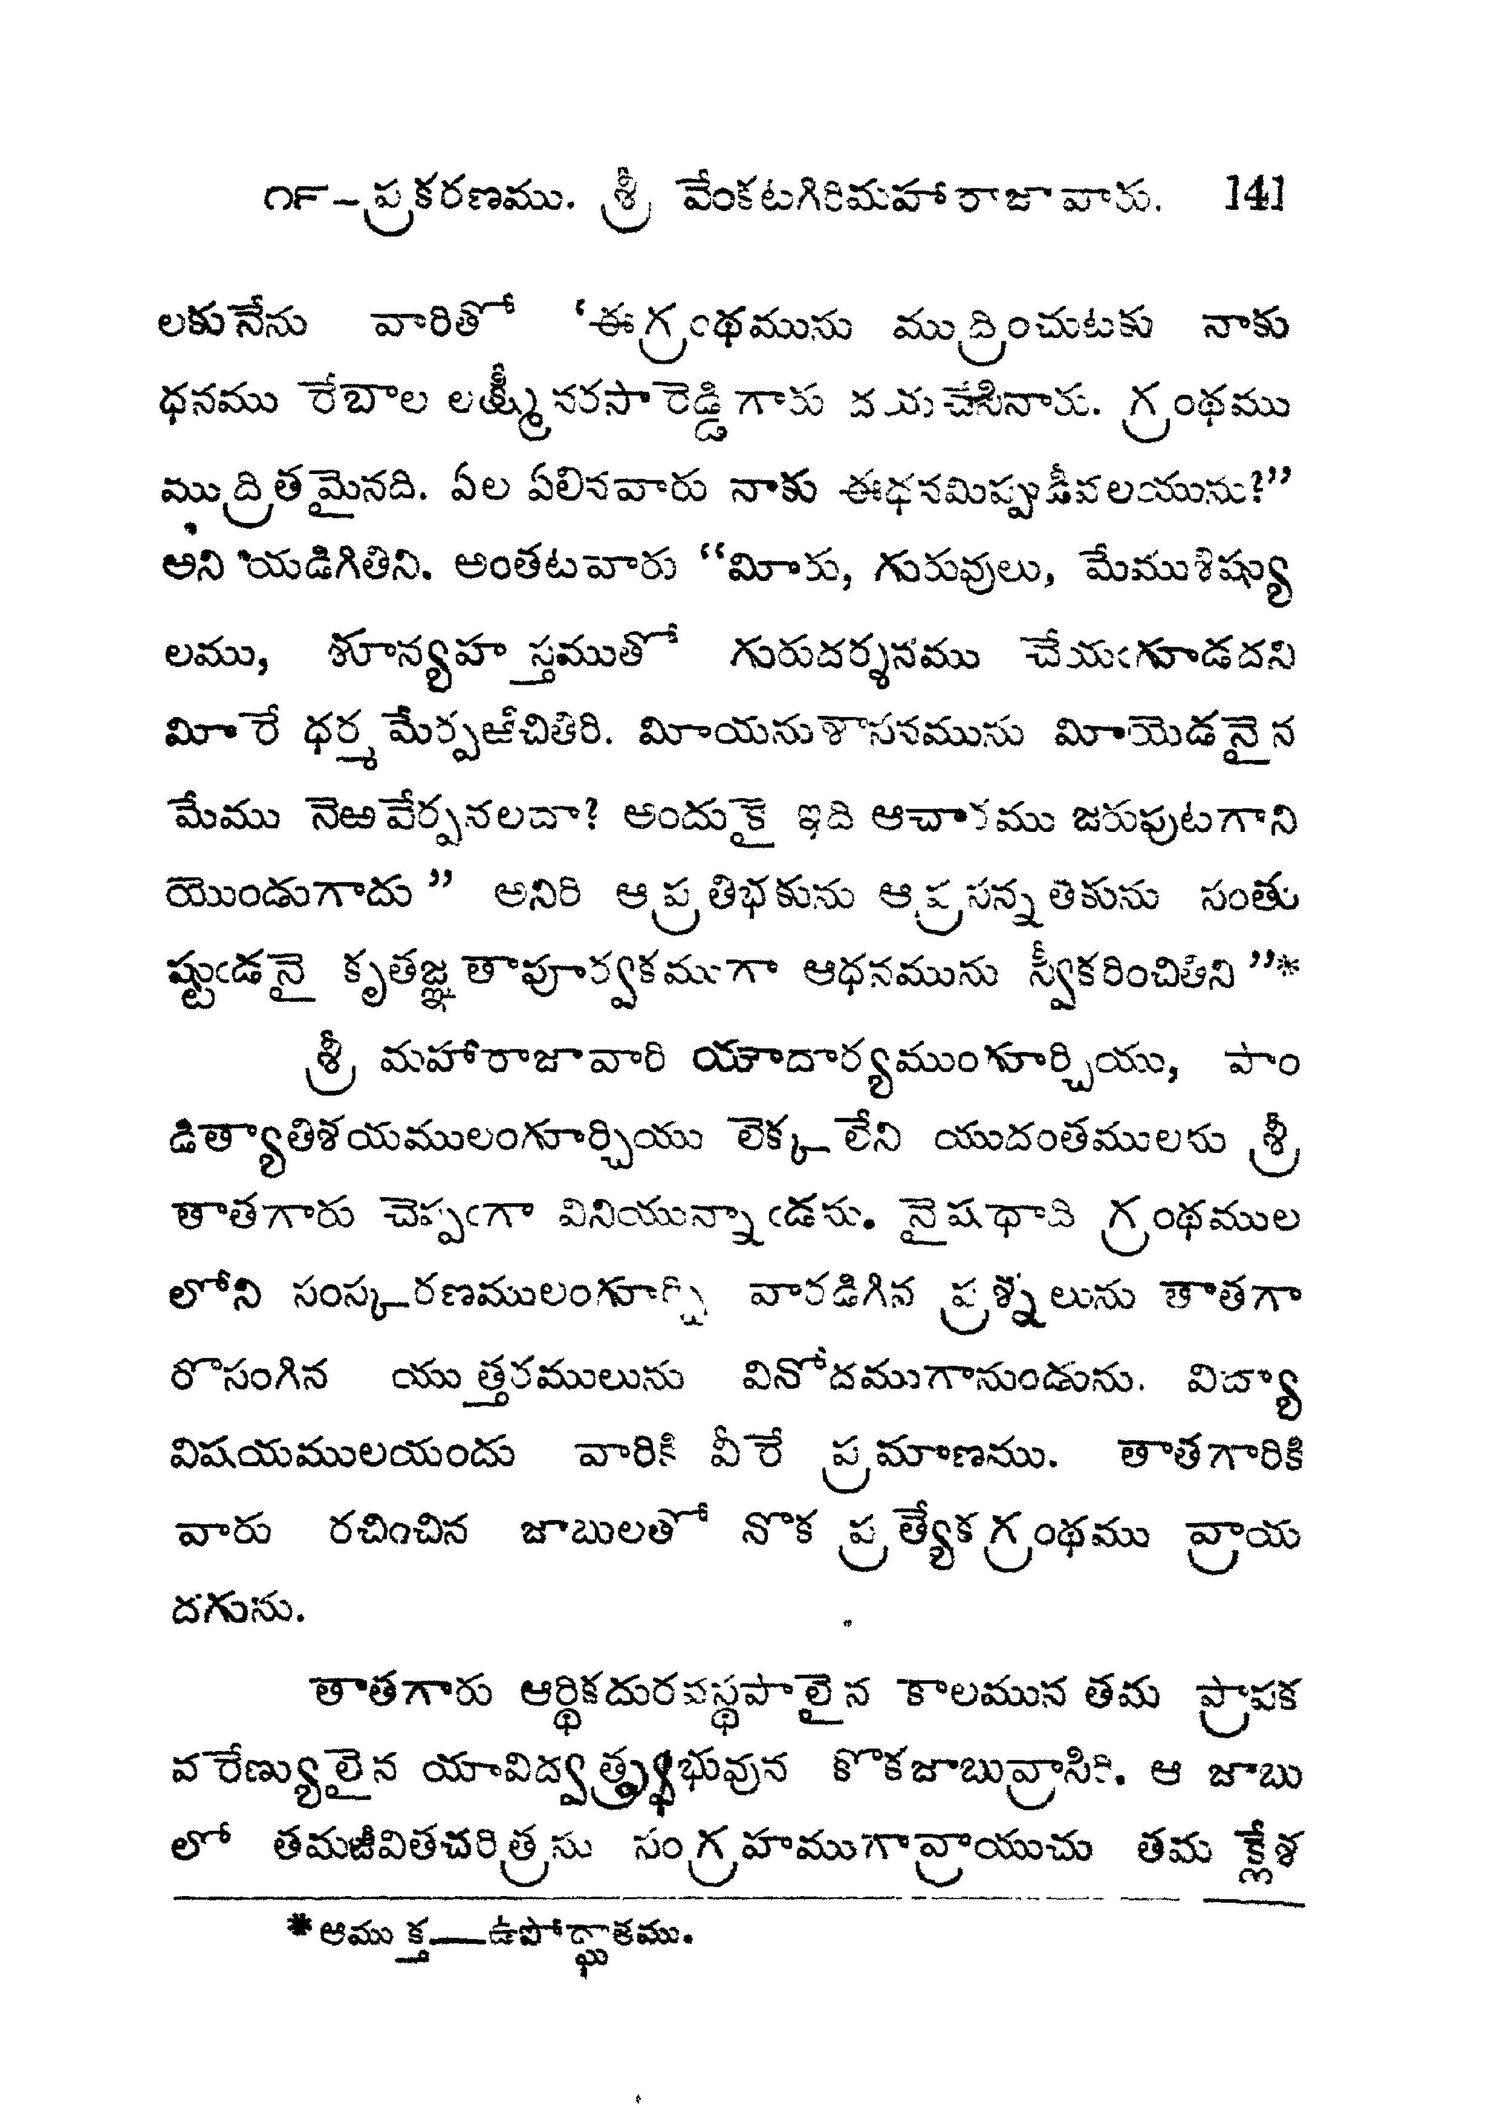లకునేను వారితో 'ఈగ్రంథమును ముద్రించుటకు నాకు ధనము రేబాల లక్ష్మీనరసారెడ్డిగారు దయచేసినారు. గ్రంథము ముద్రితమైనది. ఏల ఏలినవారు నాకు ఈధనమిప్పుడీయవలయును?" అని యడిగితిని. అంతటవారు "మీరు, గురువులు, మేముశిష్యులము, శూన్యహస్తముతో గురుదర్శనము చేయగూడదని మీరే ధర్మమేర్పఱిచితిరి. మీయనుశాసనమును మీయెడనైన మేము నెఱవేర్పవలదా? అందుకై ఇది ఆచారము జరుపుటగాని యొండుగాదు" అనిరి ఆప్రతిభకును ఆప్రసన్నతకును సంతుష్టుడనై కృతజ్ఞతాపూర్వకముగా ఆధనమును స్వీకరించితిని"*

శ్రీ మహారాజావారి యౌదార్యముంగూర్చియు, పాండిత్యాతిశయములంగూర్చియు లెక్కలేని యుదంతములను శ్రీ తాతగారు చెప్పగా వినియున్నాడను. నైషథాది గ్రంథములలోని సంస్కరణములంగూర్చి వారడిగిన ప్రశ్నలును తాతాగారొసంగిన యుత్తరములును వినోదముగానుండును. విద్యావిషయములయందు వారికి వీరే ప్రమాణము. తాతగారికి వారు రచించిన జాబులతో నొక ప్రత్యేకగ్రంథము వ్రాయదగును.

తాతగారు ఆర్థికదురవస్థపాలైన కాలమున తమ ప్రాపకవరేణ్యులైన యావిద్వత్ప్రభువున కొకజాబువ్రాసిరి. ఆ జాబులో తమజీవితచరిత్రను సంగ్రహముగావ్రాయుచు తమ క్లేశ

ఆముక్త - ఉపోద్ఘాతము.